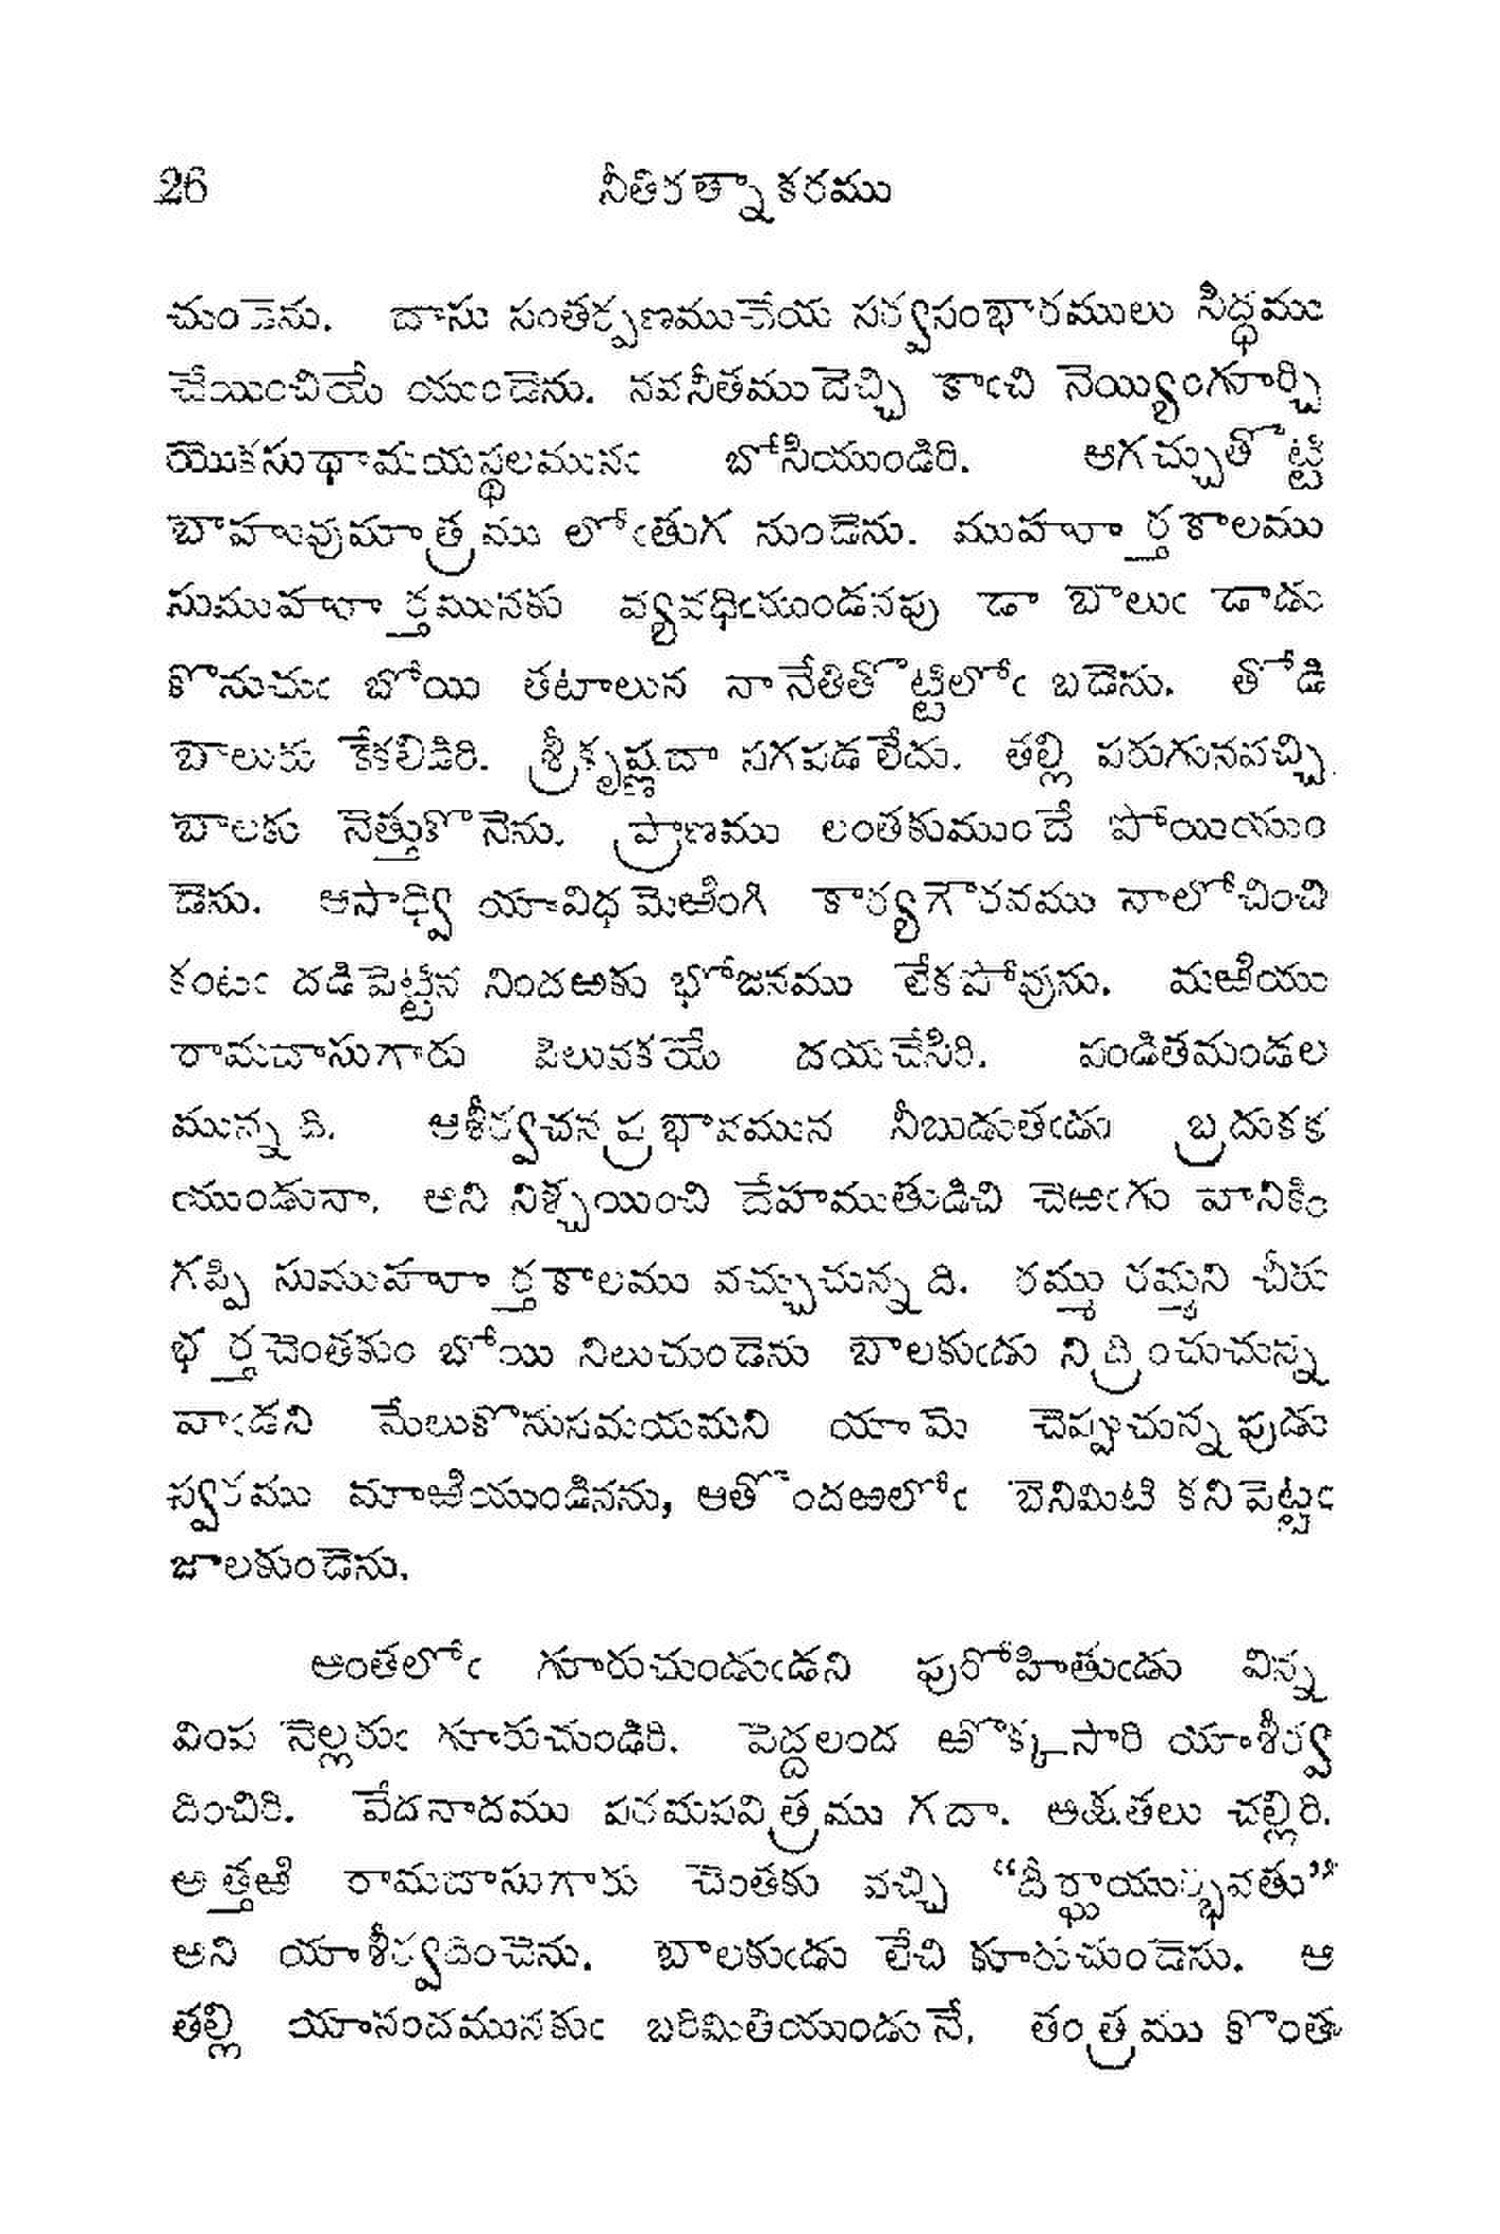చుండెను. దాసు సంతర్పణము చేయ సర్వసంభారములు సిద్ధము చేయించియే యుండెను. నవనీతము దెచ్చి కాఁచి నెయ్యింగూర్చి యొక సుధామయస్థలమునఁ బోసియుండిరి. అగచ్చుతొట్టి 'బాహువు మాత్రము లోతుగ నుండెను. ముహూర్తకాలము సుముహూర్తమునకు వ్యవధియుండనపు డా బాలుఁ డాడు కొనుచుఁ బోయి తటాలున నా నేతితొట్టిలోఁ బడెను. తోడి బాలురు కేకలిడిరి. శ్రీకృష్ణదా సగపడ లేదు. తల్లి పరుగునవచ్చి బాలకు నెత్తుకొనేను. ప్రాణము లంతకుముందే పోయియుండెను. ఆసాధ్వి యావిధ మెఱింగి కార్యగౌరవము నాలోచించి కంటఁ దడి పెట్టిన నిందఱకు భోజనము 'లేకపోవును. మఱియు రామదాసుగారు పిలువకయే దయచేసిరి. పండితమండల మున్నది. ఆశీర్వచన ప్రభావమున నీబుడుతఁడు బ్రదుకక యుండునా, అని నిశ్చయించి దేహము తుడిచి చెఱఁగు వానికిఁ గప్పి సుముహూర్తకాలము వచ్చుచున్నది. రమ్ము రమ్మని చీరు భర్త చెంతకుం బోయి నిలుచుండెను బాలకుఁడు నిద్రించుచున్న వాడని మేలుకొనుసమయమని యామె చెప్పుచున్నపుడు స్వరము మాఱియుండినను, ఆతొందఱలోఁ 'బెనిమిటి కనిపెట్టఁ జాలకుండెను.

అంతలోఁ గూరుచుండుఁడని పురోహితుఁడు విన్న వింప 'నెల్లరుఁ గూరుచుండిరి. పెద్దలంద ఱోక్కసారి యాశీర్వ దించిరి. వేద నాదము పరమపవిత్రము గదా. అక్షతలు చల్లిరి. అత్తఱి రామదాసుగారు చెంతకు వచ్చి “దీర్ఘాయుర్భవతు" అని యాశీర్వచించెను. బాలకుఁడు లేచి కూరుచుండెను. ఆ తల్లి యానందమునకుఁ బరిమితియుండునే, తంత్రము కొంత